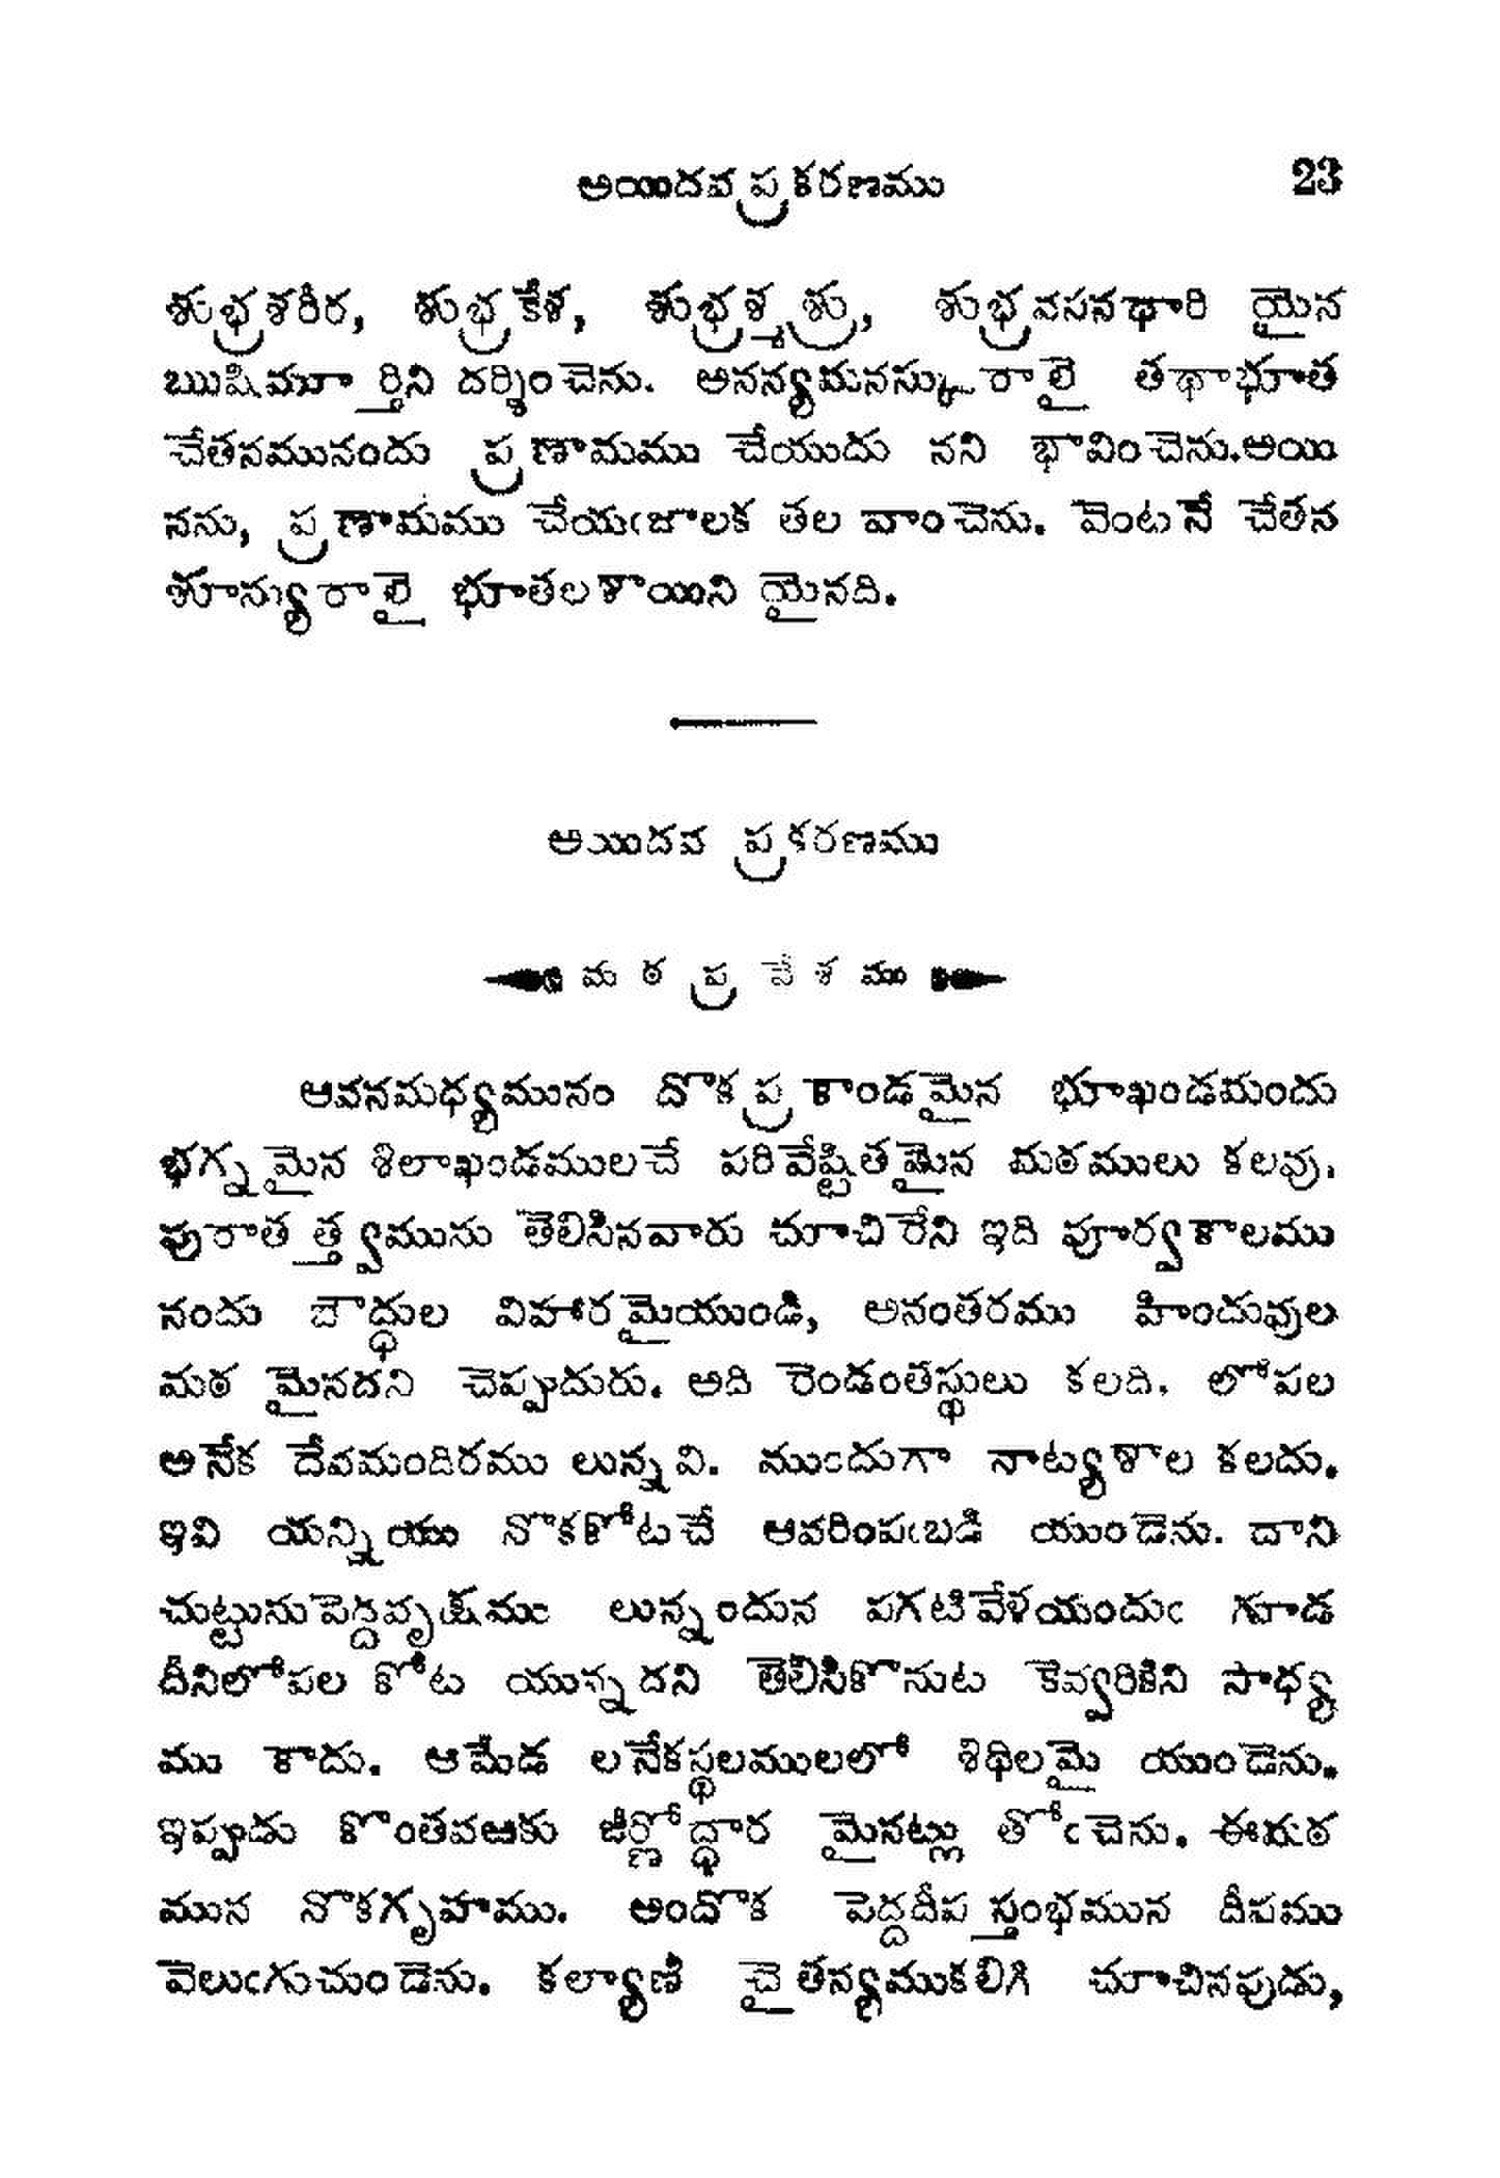శుభ్ర శరీర, శుభ్ర కేశ, శుభ్రశ్మశ్రు, శుక్రవసనధారి యైన ఋషిమూర్తిని దర్శించెను. అనన్య మనస్కురాలై తథాభూత చేతనమునందు ప్రణామము చేయుదు నని భావించెను. అయినను, ప్రణామము చేయఁజాలక తల వాంచెను. వెంటనే చేతన శూన్యురాలై భూతలశాయిని యైనది.

అయిదవ ప్రకరణము

మఠప్రవేశము 

ఆవనమధ్యమునం దొక ప్రకాండమైన భూఖండమందు భగ్నమైన శిలాఖండములచే పరివేష్టితమైన మఠములు కలవు, పురాతత్త్వమును తెలిసినవారు చూచిరేని ఇది పూర్వకాలము నందు బౌద్ధుల విహారమైయుండి, అనంతరము హిందువుల మఠ మైనదని చెప్పుదురు. అది రెండంతస్థులు కలది, లోపల అనేక దేవమందిరము లున్నవి. ముందుగా నాట్యశాల కలదు. ఇవి యన్నియు నొకకోటచే ఆవరింపఁబడి యుండెను. దాని చుట్టును పెద్దవృక్షము లున్నందున పగటి వేళయందుఁ గూడ దీనిలోపల కోట యున్నదని తెలిసికొనుట కెవ్వరికిని సాధ్య
ము కాదు. ఆమేడ లనేకస్థలములలో శిథిలమై యుండెను. ఇప్పుడు కొంతవఱకు జీర్ణోద్ధార మైనట్లు తోఁచెను. ఈమఠమున నొకగృహము. అందొక పెద్దదీప స్తంభమున దీపము వెలుఁగుచుండెను. కల్యాణి చైతన్యముకలిగి చూచినపుడు,